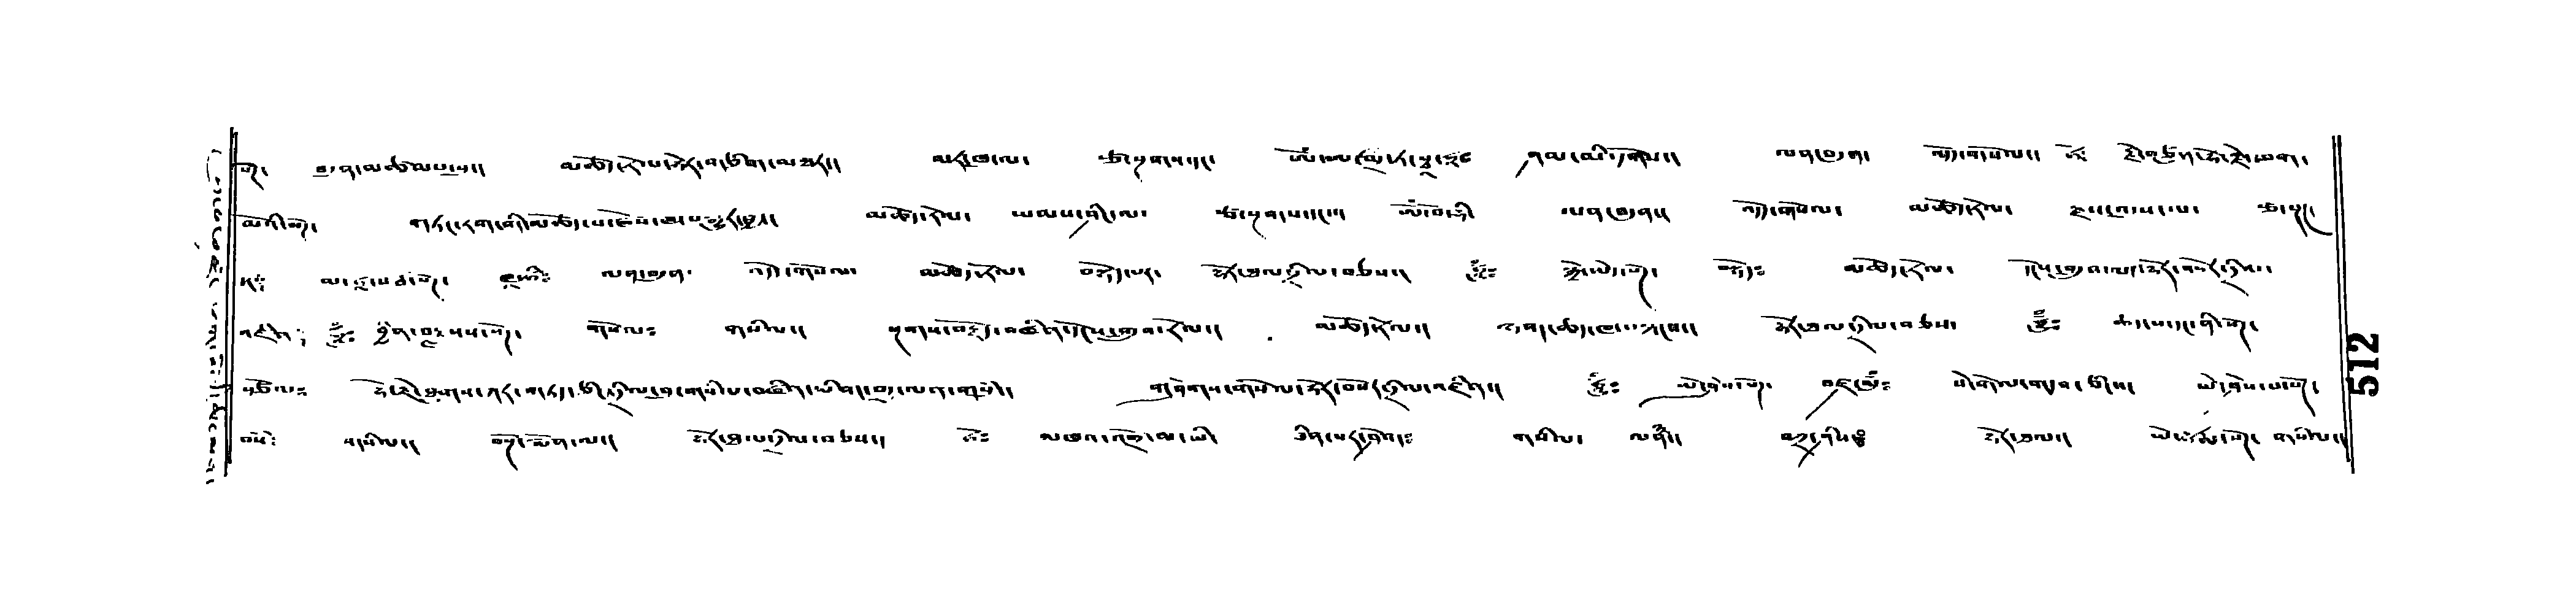སོགས། བདུན་མཚམས་སུ། མཆོད་རོལ་ཉེར་གཅིག་མཐར། མར་ཁུ་ལ། རྩ་སྔགས་དང་། ཨོཾ་ཨ་མྲྀ་ཏ་སྭཱ་ཧཱཿ ཤམ་མི་དགོས། ལན་བདུན། འདོད་གསོལ། ཧོཿ རྗེ་བཙུན་རྡོ་རྗེ་ཕག་
མོའི་སོགས། གཏང་རག་གི་མཆོད་པ་ཞེས་ཁ་བསྒྱུར་བྱ། མཆོད་རོལ། ཡམས་ཤིང་ལ། རྩ་སྔགས་དང་། ཨོཾ་བོ་དྷི་ལན་བདུན། འདོད་གསོལ། མཆོད་རོལ། རྫས་འདུས་ལ། རྩ་སྔགས་
དང་། མ་ཧཱ་སརྦ་སོགས། ཁཱ་ཧིཿ ལན་བདུན། འདོད་གསོལ། མཆོད་རོལ། བསྟོད་པར། རྡོར་ཐལ་དྲིལ་བཅས། ཧཱུྃ༔ སྐྱེ་མེད་སོགས། བསྟོད༔ མཆོད་རོལ། དངོས་གྲུབ་ལ་རྡོར་གསོར་དྲིལ་
འཛིན། ཧཱུྃ༔ བྱིན་བརླབས་སོགས། གསོལ༔ གསིལ། སྔགས་བརྗོད་བཞིན་དངོས་གྲུབ་རོལ། མཆོད་རོལ། ལྷག་ཆད་ཁ་བསྐངས། རྡོར་ཐལ་དྲིལ་བཅས།ཧཱུྃ༔ ཆད་པ་དང་ནི་སོགས། 
སྩོལ༔ རྡོ་རྗེ་ཐུགས་ཀར་གཏད་ཅིང་དྲིལ་བུ་གསིལ་བཞིན་ཡིག་བརྒྱ་ལན་གསུམ། གཤེགས་གསོལ་རྡོར་གསོར་དྲིལ་འཛིན། ཧཱུྃ༔ ཡེ་ཤེས་སོགས། བཛྲ་མུྃ༔ སེ་གོལ་གདབ་ཅིང་། ཡེ་ཤེས་པ་སོགས། 
བསམ༔ གསིལ། བསྔོ་སྨོན་ལ། རྡོར་ཐལ་དྲིལ་བཅས། ཧོཿ ཟིན་པར་ཤོག༔ གསིལ། ལན་གསུམ། བཀྲ་ཤིས། རྡོར་ཐལ། ཡེ་དྷརྨ་སོགས། གསིལ།